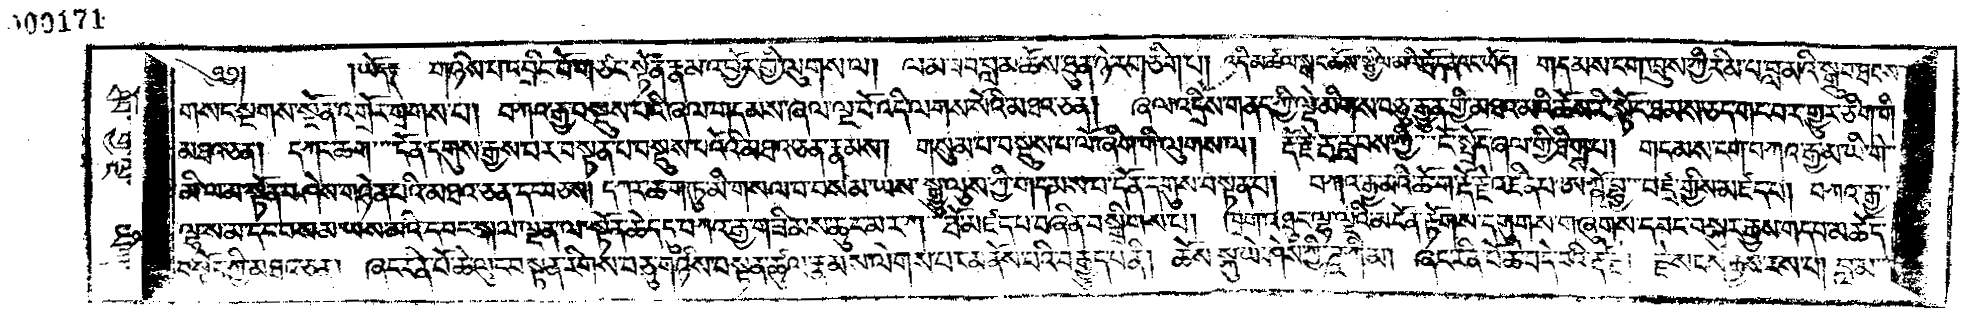༄༅། །ཡོད༑ གཉིས་པ་འབྲིང་པོ་གཙང་སྟོན་རྣམ་འབྱོར་གྱི་ལུགས་ལ། ལམ་ཟབ་བླ་མ་ཆོས་ཐུན་ཉེར་གཅིག་པ། འདི་མཚལ་སྒང་ཆོས་སྦྱིལ་མའི་ཁྲོད་ནའང་ཡོད།  གདམས་ངག་ཁྲུས་ཀྱི་རིམ་པ་བླ་མའི་སྒྲུབ་ཐབས་
གསང་སྔགས་སྔོན་འགྲོར་གྲགས་པ། བཀའ་རྒྱ་བསྡུས་པའི་ཞལ་གདམས་ཞལ་ལྔ་པོ་འདི་ལགས་སོའི་མཐའ་ཅན། ཞལ་འདྲིས་གནད་ཀྱི་ལྡེ་མིག་ས་བཅུ་རྒྱུན་གྱི་མཐའ་མའི་ཆོས་རི་སྟོང་ཐམས་ཅད་གང་བར་གྱུར་ཅིག་གི་
མཐའ་ཅན། དཀར་ཆག་དོན་དགུས་རྒྱས་པར་བསྟན་པ་བསྡུས་པའོའི་མཐའ་ཅན་རྣམས། གསུམ་པ་བསྡུས་པ་ལོ་ཞིག་གི་ལུགས་ལ། རྡོ་རྗེ་རྦ་རླབས་ཀྱི་ངོ་སྤྲོད་ཞལ་གྱི་ཐིགས་པ། གདམས་ངག་བཀའ་རྒྱ་མ་ཡི་གེ་
མི་ལ་མ་སྟོན་བཤེས་གཉེན་པའི་མཐའ་ཅན་དང་བཅས། དཀར་ཆག་ཏུ་མི་གསལ་བ་བསམ་ཡས་སྒྱུ་ལུས་ཀྱི་གདམས་པ་དོན་དགུས་བསྟན་པ། བཀའ་རྒྱ་མའི་ཆོ་ག་རྡོ་རྗེ་འཛིན་པ་ཨཀྵོ་བྷྱ་བཛྲ་ཀྱིས་མཛད་པ། བཀའ་རྒྱ་
ལྷ་ས་མ་དང་བསམ་ཡས་མའི་དབང་སྐལ་ལྡན་ལ་སྟོན་ཆེད་དུ་བཀའ་རྒྱ་གཟིམས་ཆུང་མར་ཀ་ཐོ་མཛད་པ་བཞིན་བསྒྲིགས་པ། ཁྲག་འཐུང་ལྷ་ལྔའི་མངོན་རྟོགས་དགུགས་གཞུགས་དབང་བསྐུར་རྒྱས་གདབ་མཆོད་
བསྟོད་ཀྱི་མཐའ་ཅན། ཞང་རིན་པོ་ཆེ་ལུང་བསྟན་རིགས་བཅུ་གཉིས་བསྟན་ཚུལ་རྣམས་ལེགས་པར་མནོས་པའི་བརྒྱུད་པ་ནི། ཆོས་སྐུ་ཡེ་ཤེས་ཀྱི་ཌཱ་ཀི་མ། ཞང་རིན་པོ་ཆེ་བདེ་བའི་རྡོ་རྗེ། རྗེ་སངས་རྒྱས་རས་པ། བླ་མ་